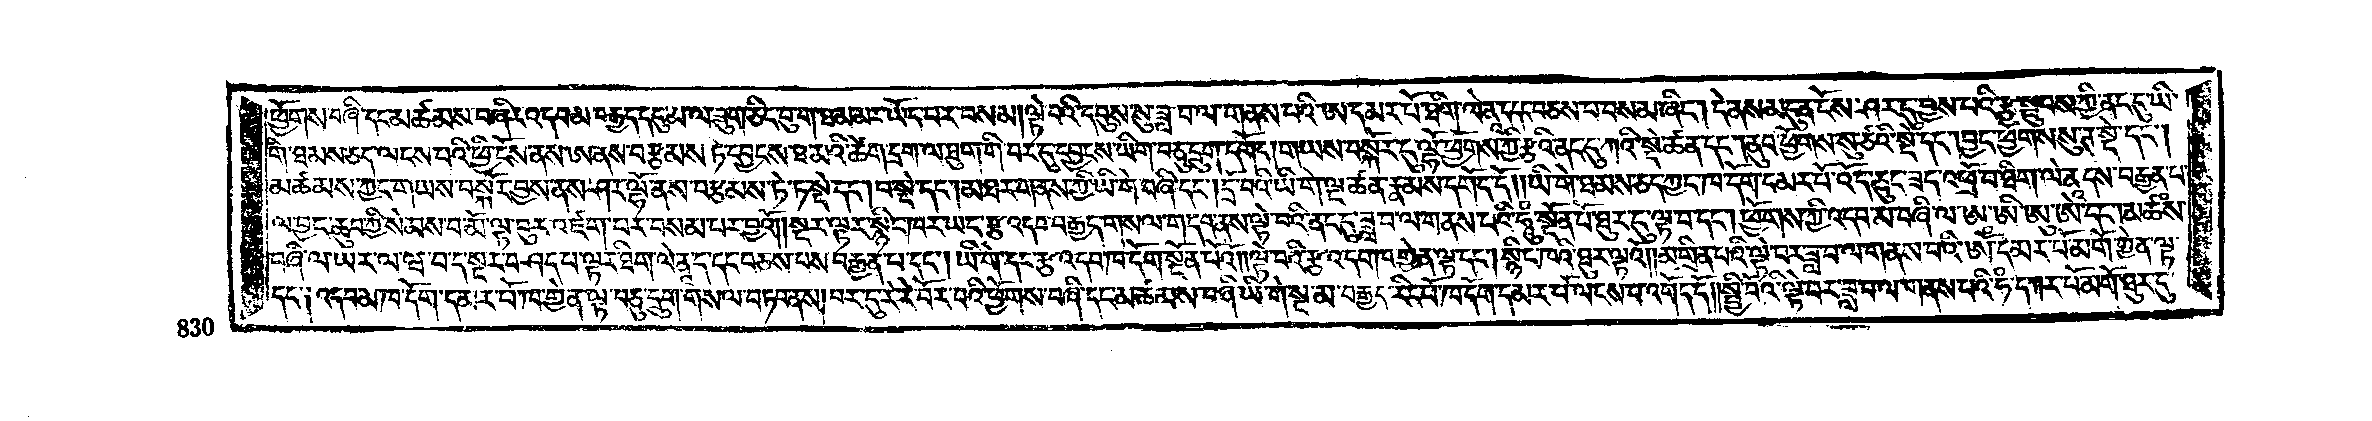ཕྱོགས་བཞི་དང་མཚམས་བཞིར་འདབ་མ་བརྒྱད་དབུ་མ་ལ་ཟུག་ཅིང་བུ་ག་ཐམ་མར་ཡོད་པར་བསམ། ལྟེ་བའི་དབུས་སུ་ཟླ་བ་ལ་གནས་པའི་ཨ་དམར་པོ་ཐིག་ལེ་ནཱ་ད་དང་བཅས་པ་བསམ་ཞིང་། དེ་ནས་མདུན་ངོས་ཤར་དུ་བྱས་པའི་རྩ་སྦུབས་ཀྱི་ནང་དུ་ཡི་
གི་ཐམས་ཅད་ལངས་པའི་ཕྱི་ངོས་ནས་ཨ་ནས་བརྩམས་ཏེ་དབྱངས་ཐ་མའི་ཚེག་དྲག་ལ་ཐུག་གི་བར་དུ་དབྱངས་ཡིག་བཅུ་དྲུག་དགོང་། གཡས་བསྐོར་དུ་ལྷོ་ཕྱོགས་ཀྱི་རྩའི་ནང་དུ་ཀའི་སྡེ་ཙན་དང་། ནུབ་ཕྱོགས་སུ་ཙའི་སྡེ་དང་། བྱང་ཕྱོགས་སུ་ཊ་སྡེ་དང་།
མཚམས་ཀྱང་གཡས་བསྐོར་བྱས་ནས་ཤར་ལྷོ་ནས་བརྩམས་ཏེ་ཏ་སྡེ་དང་། བ་སྡེ་དང་། མཐར་གནས་ཀྱི་ཡི་གེ་བཞི་དང་། དྲོ་བའི་ཡི་གེ་ལྔ་ཚན་རྣམས་དགོད་དོ། །ཡི་གེ་ཐམས་ཅད་ཀྱང་ཁ་དོག་དམར་པོ་འོད་ཅུང་ཟད་འཕྲོ་བ་ཐིག་ལེ་ནཱ་དས་བརྒྱན་པ་
ལ་བྱང་ཆུབ་ཀྱི་སེམས་པ་མོ་ལྟ་བུར་འཛག་པར་བསམ་པར་བྱའོ། །སྔར་ལྟར་སྙིང་ཁར་ཡང་རྩ་འདབ་བརྒྱད་གསལ་གདབ་ནས་ལྟེ་བའི་ནང་དུ་ཟླ་བ་ལ་གནས་པའི་ཧཱུཾ་སྔོན་པོ་ཐུར་དུ་ལྟ་བ་དང་། ཕྱོགས་ཀྱི་འདབ་མ་བཞི་ལ་ཨ་ཨི་ཨུ་ཨེ་དང་། མཚམས་
བཞི་ལ་ཡར་ལ་ཝ་བ་ད་སྔར་བཤད་པ་ལྟར་ཐིག་ལེ་ནཱ་ད་དང་བཅས་པས་བརྒྱན་པ་དང་། ཡི་གེ་དང་རྩ་འདབ་ཁ་དོག་སྔོན་པོའོ། །ལྟེ་བའི་རྩ་འདབ་ཁ་གྱེན་ལྟ་དང་། སྙིང་ཁའི་ཐུར་ལྟའོ། །མགྲིན་པའི་ལྟེ་བར་ཟླ་བ་ལ་གནས་པའི་ཨོཾ་དམར་པོ་མགོ་གྱེན་ལྟ་
དང༑ འདབ་མ་ཁ་དོག་དམར་པོ་ཁ་གྱེན་ལྟ་བཅུ་དྲུག་གསལ་བཏབ་ནས། བར་དུ་རེ་རེ་བོར་བའི་ཕྱོགས་བཞི་དང་མཚམས་བཞི་ཡི་གེ་སྔ་མ་བརྒྱད་རིང་པོ་ཁ་དོག་དམར་པོ་ལངས་པ་འགོད་དོ། །སྤྱི་བོའི་ལྟེ་བར་ཟླ་བ་ལ་གནས་པའི་ཧཾ་དཀར་པོ་མགོ་ཐུར་དུ་